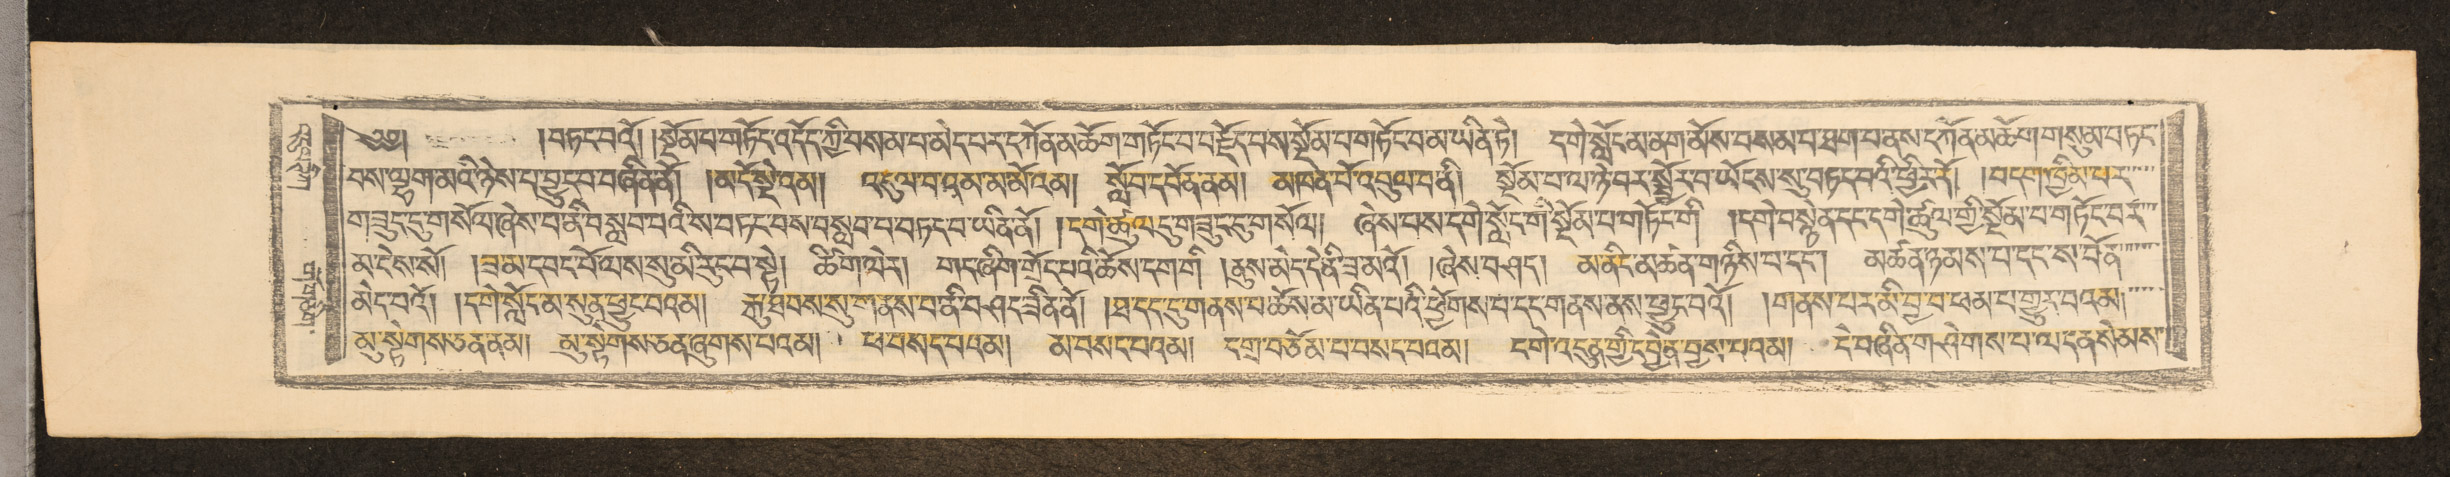༄༅། །བཏང་བའོ། །སྡོམ་པ་གཏོང་འདོད་ཀྱི་བསམ་པ་མེད་པར་དཀོན་མཆོག་གཏོང་བ་བརྗོད་པས་སྡོམ་པ་གཏོང་བ་མ་ཡིན་ཏེ། དགེ་སློང་མ་ནག་མོས་བསམ་པ་ཐག་པ་ནས་དཀོན་མཆོག་གསུམ་བཏང་
བས་ལྷག་མའི་ཉེས་པ་བྱུང་བ་བཞིན་ནོ། །མདོ་སྡེ་འམ། འདུལ་བ་འམ་མ་མོ་འམ། སློབ་དཔོན་ནམ། མཁན་པོ་འབུལ་བ་ནི། སྡོམ་པ་ལ་ཉེ་བར་སྦྱོར་བ་ཡོངས་སུ་བཏང་བའི་ཕྱིར་རོ། །བདག་ཁྱིམ་པར་
གཟུང་དུ་གསོལ་ཞེས་པ་ནི་བསླབ་པའི་ས་བཏང་བས་བསླབ་པ་བཏང་བ་ཡིན་ནོ། །དགེ་ཚུལ་དུ་གཟུང་དུ་གསོལ། ཞེས་པས་དགེ་སློང་གི་སྡོམ་པ་གཏོང་གི། །དགེ་བསྙེན་དང་དགེ་ཚུལ་གྱི་སྡོམ་པ་གཏོང་བར་
མ་ངེས་སོ། །ཟ་མ་དབང་པོ་ལས་སུ་མི་རུང་བ་སྟེ། ཚིག་ལེར། གང་ཞིག་གྲོང་པའི་ཆོས་དག་གི །ནུས་མེད་དེ་ནི་ཟ་མའོ། །ཞེས་བཤད། མ་ནིང་མཚན་གཉིས་པ་དང་། མཚན་ཉམས་པ་དང་ས་བོན་
མེད་པའོ། །དགེ་སློང་མ་སུན་ཕྱུང་བའམ། རྐུ་ཐབས་སུ་གནས་པ་ནི་བཤད་ཟིན་ནོ། །ཐ་དད་དུ་གནས་པ་ཆོས་མ་ཡིན་པའི་ཕྱོགས་པ་དང་གནས་ནས་ཕྱུང་བའོ། །གནས་པར་མི་བྱ་བ་ཕམ་པ་བྱུང་བའམ།
མུ་སྟེགས་ཅན་ནམ། མུ་སྟེགས་ཅན་ཞུགས་པའམ། ཕ་བསད་པའམ། མ་བསད་པའམ། དགྲ་བཅོམ་པ་བསད་པའམ། དགེ་འདུན་གྱི་དབྱེན་བྱས་པའམ། དེ་བཞིན་གཤེགས་པ་ལ་ངན་སེམས་